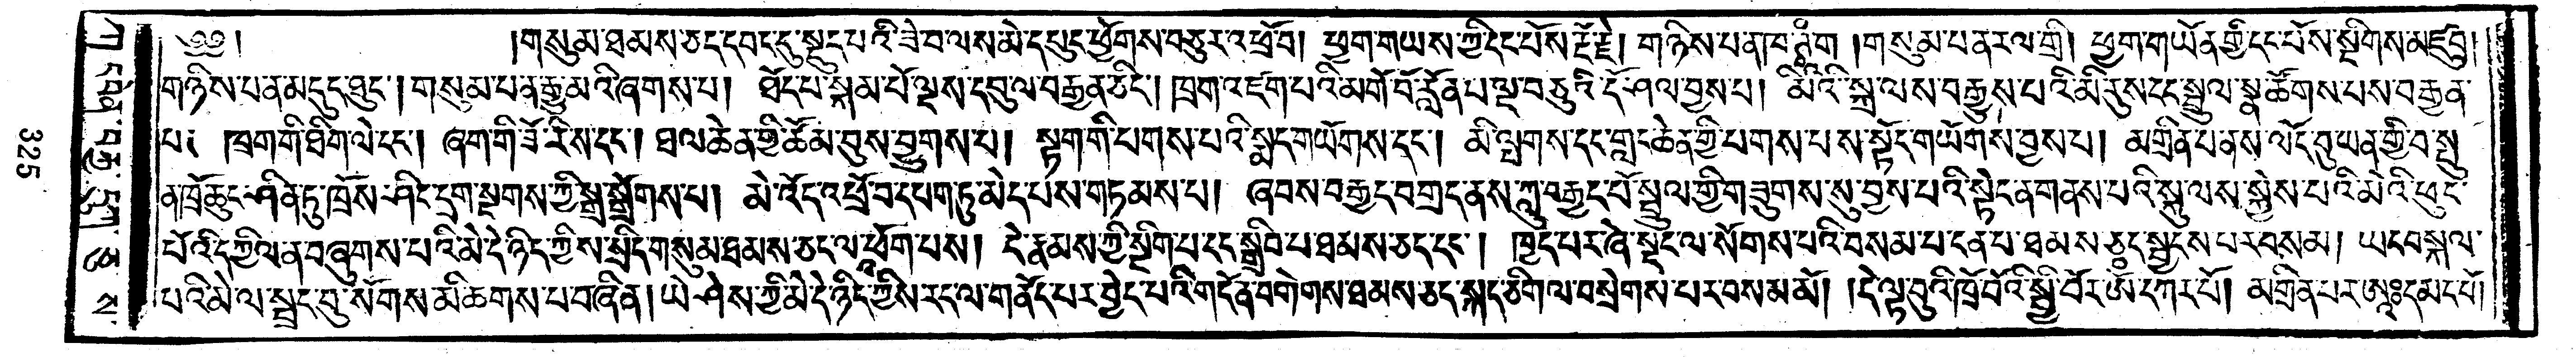༄༅། །གསུམ་ཐམས་ཅད་དབང་དུ་སྡུད་པའི་ཟེ་བ་ལས་མེ་དཔུང་ཕྱོགས་བཅུར་འཕྲོ་བ། ཕྱག་གཡས་ཀྱི་དང་པོས་རྡོ་རྗེ། གཉིས་པ་ན་ཁ་ཊྭཱཾ་ག །གསུམ་པ་ན་རལ་གྲི། ཕྱག་གཡོན་གྱི་དང་པོས་སྡིགས་མཛུབ།
གཉིས་པ་ན་མདུད་ཐུང་། གསུམ་པ་ན་རྒྱུ་མའི་ཞགས་པ། ཐོད་པ་སྐམ་པོ་ལྔས་དབུ་ལ་བརྒྱན་ཅིང་། ཁྲག་འཛག་པའི་མགོ་བོ་རློན་པ་ལྔ་བཅུའི་དོ་ཤལ་བྱས་པ། མིའི་སྐྲ་ལས་བརྒྱུས་པའི་མི་རུས་དང་སྦྲུལ་སྣ་ཚོགས་པས་བརྒྱན་
པ༑ ཁྲག་གི་ཐིག་ལེ་དང་། ཞག་གི་ཟོ་རི་ས་དང་། ཐལ་ཆེན་གྱི་ཚོམ་བུས་བྱུགས་པ། སྟག་གི་པགས་པའི་སྨད་གཡོགས་དང་། མི་ལྤགས་དང་གླང་ཆེན་གྱི་པགས་པས་སྟོད་གཡོགས་བྱས་པ། མགྲིན་པ་ནས་ལོང་བུ་ཡན་གྱི་བ་སྤུ་
ན་ཁྲོ་ཆུང་ཤིན་ཏུ་ཁྲོས་ཤིང་དྲག་སྔགས་ཀྱི་སྒྲ་སྒྲོགས་པ། མེ་འོད་འཕྲོ་བ་དཔག་ཏུ་མེད་པས་གཏམས་པ། ཞབས་བརྒྱད་བགྲད་ནས་ཀླུ་བརྒྱད་པོ་སྦྲུལ་གྱི་གཟུགས་སུ་བྱས་པའི་སྟེང་ན་གནས་པའི་སྐུ་ལས་སྐྱེས་པའི་མེའི་ཕུང་
པོའི་དཀྱིལ་ན་བཞུགས་པའི་མེ་དེ་ཉིད་ཀྱིས་སྲིད་གསུམ་ཐམས་ཅད་ལ་ཕོག་པས། དེ་རྣམས་ཀྱི་སྡིག་པ་དང་སྒྲིབ་པ་ཐམས་ཅད་དང་། ཁྱད་པར་ཞེ་སྡང་ལ་སོགས་པའི་བསམ་པ་ངན་པ་ཐམས་ཅད་སྦྱངས་པར་བསམ། ཡང་བསྐལ་
པའི་མེ་ལ་སྦྲང་བུ་སོགས་མི་ཆགས་པ་བཞིན། ཡེ་ཤེས་ཀྱི་མེ་དེ་ཉིད་ཀྱིས་རང་ལ་གནོད་པར་བྱེད་པའི་གདོན་བགེགས་ཐམས་ཅད་སྐད་ཅིག་ལ་བསྲེགས་པར་བསམ་མོ། །དེ་ལྟ་བུའི་ཁྲོ་བོའི་སྤྱི་བོར་ཨོཾ་དཀར་པོ། མགྲིན་པར་ཨཱཿ དམར་པོ།